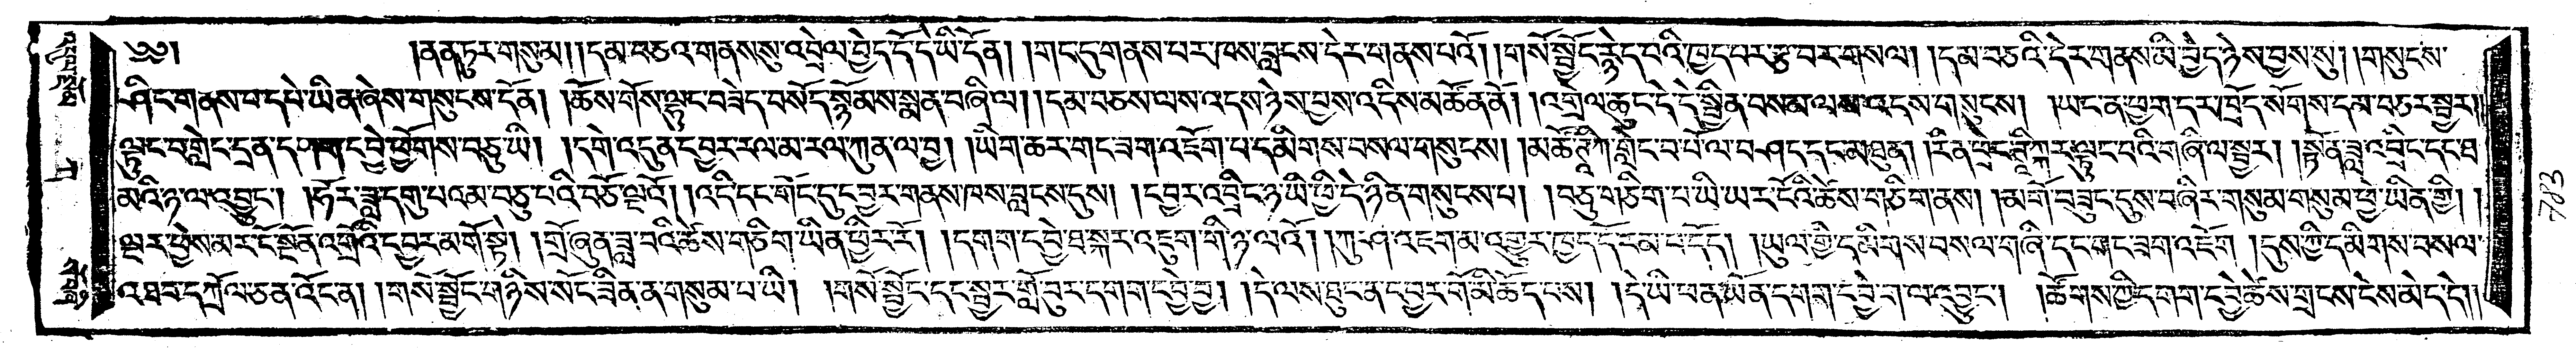༄༅། །ནན་ཏུར་གསུམ། །དམ་བཅའ་གནས་སུ་འབྲེལ་བྱེད་དོ་དེ་ཡི་དོན། །གང་དུ་གནས་པར་ཁས་བླངས་དེར་གནས་པའོ། །གསོ་སྦྱོང་རྙེད་པའི་ཁྱད་པར་རྩ་བར་གསལ། །དམ་བཅའི་དེར་གནས་མི་བྱེད་ཉེས་བྱས་སུ། །གསུངས་
ཤིང་གནས་བ་དཔེ་ཡིན་ཞེས་གསུངས་དོན། །ཆོས་གོས་ལྷུང་བཟེད་བསོད་སྙོམས་སྨན་བཞི་ལ། །དམ་བཅས་ལས་འདས་ཉེས་བྱས་འདིས་མཚོན་ནོ། །འགྲེལ་ཆུང་དེ་དེ་སྦྱིན་བསམ་ལས་འདས་གསུངས། །ཡང་ན་ཕྱག་དར་ཁྲོད་སོགས་དམ་བཅར་སྦྱར། །
ལྟུང་བ་གླེང་དྲན་དགག་དབྱེ་ཕྱོགས་བཅུ་ཡི། །དགེ་འདུན་དབྱར་རལ་མ་རལ་ཀུན་ལ་བྱ། །ཡིག་ཆར་གང་ཟག་འཇོག་པ་དམིགས་བསལ་གསུངས། །མཚོ་ཊཱིཀ་གླེང་བ་པོ་ལ་བཤད་དང་མཐུན། །རིན་ཕྲེང་ཊཱིཀྐར་ལྟུང་བའི་གཞི་ལ་སྦྱར། །སྟོན་ཟླ་འབྲིང་དང་ཐ་
མའི་ཉ་ལ་འབྱུང་། །ཧོར་ཟླ་དགུ་པའམ་བཅུ་པའི་བཅོ་ལྔའོ། །འདིའང་གོང་དུ་དབྱར་གནས་ཁས་བླངས་དུས། །དབྱར་འབྲིང་ཉ་ཡི་ཕྱེ་དེ་ཉིན་གསུངས་པ། །བཅུ་གཅིག་པ་ཡི་ཡར་དོའི་ཚེས་གཅིག་ནས། །མགོ་བཟུང་དུས་བཞིར་གསུམ་གསུམ་ཕྱེ་ཡིན་གྱི། །
ལྔར་ཕྱེས་མར་ངོ་སྔོན་འགྲོའི་དབྱར་མགོ་སྟེ། །གྲོ་ཞུན་ཟླ་བའི་ཚེས་གཅིག་ཡིན་ཕྱིར་རོ། །དགག་དབྱེ་ཐ་སྐར་འཇུག་གི་ཉ་ལའོ། །ཀུ་ཤ་འཇག་མ་འགྱུར་ཁྱད་དོ་རམ་པ་དོད། །ཡུལ་གྱི་དམིགས་བསལ་གཞི་དང་གང་ཟག་འཇོག །དུས་ཀྱི་དམིགས་བསལ་
འཐབ་དཀྲོལ་ཅན་འོང་ན། །གསོ་སྦྱོང་གཉིས་སོང་ཟིན་ན་གསུམ་པ་ཡི། །གསོ་སྦྱོང་དང་སྦྱར་གློ་བུར་དགག་དབྱེ་བྱ། །དེ་ལས་ཐུད་ན་དབྱར་གོ་མི་ཆོད་པས། །དེ་ཡི་ཕན་ཡོན་དགག་དབྱེ་ག་ལ་འབྱུང་། །ཚོགས་ཀྱི་དགག་དབྱེ་ཚེས་གྲངས་ངེས་མེད་དེ། །